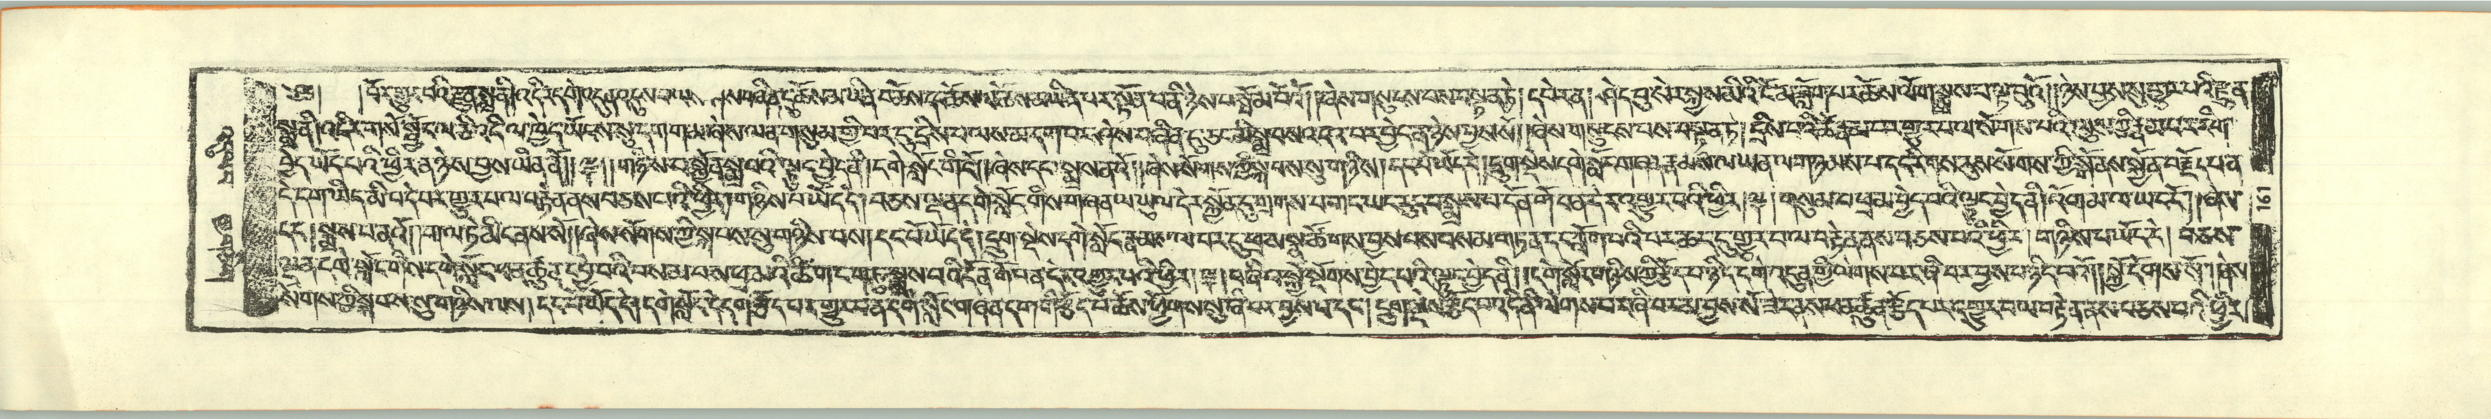༄༅། །བོར་གྱུར་བའི་རྫུན་སྨྲ་ནི། འདིར་དགེ་འདུན་འདུས་བ་ལས་ཤེས་བཞིན་དུ་ཆོས་མ་ཡིན་བ་ཆོས་དང་ཆོས་ལ་ཆོས་མ་ཡིན་པར་སྟོན་པ་ནི་ཉེས་པ་སྦོམ་བོའོ། །ཞེས་གསུངས་པས་བསྟན་ཏེ། དཔེར་ན། ཤེད་བུ་སེར་སྐྱས་མིའི་ངོ་མ་ཟློག་པར་ཆོས་ལོག་སྨྲས་པ་ལྟ་བུའོ། །ཉེས་བྱས་སུ་གྱུར་པའི་རྫུན་
སྨྲ་ནི། འདིར་གསོ་སྦྱོང་ལ་ཅི་འདི་ལ་ཁྱེད་ཡོངས་སུ་དགག་མ་ཞེས་ལན་གསུམ་གྱི་བར་དུ་དྲིས་པ་ལས་མ་དག་པར་ཤེས་བཞིན་དུ་ཅང་མི་སྨྲ་བས་འདའ་བར་བྱེད་ན་ཉེས་བྱས་སོ། །ཞེས་གསུངས་པས་བསྟན་ཏེ། དྲིས་པའི་ཚེ་རྣམ་པར་གྱུར་པ་ལ་སོགས་པའི་ལུས་ཀྱི་རྣམ་པར་རིག་
བྱེད་ཡོད་པའི་ཕྱིར་ན་ཉེས་བྱས་ཡིན་ནོ།། ༈ །།གཉིས་པ་སྐྱོན་སྨྲ་བའི་ལྟུང་བྱེད་ནི། དགེ་སློང་གི་ངོ། །ཞེས་དང་སྨྲས་ནའོ། །ཞེས་སོགས་ཀྱི་སྐབས་སུ་གཉིས། དང་པོ་ཡོད་དེ། དྲུག་སྡེས་དགེ་སློང་གཞན་རྣམས་ལ་ཡན་ལག་ཉམས་པ་དང་རིགས་རུས་སོགས་ཀྱི་སྒོ་ནས་སྐྱོན་བརྗོད་པ་ན་
དེ་དག་ཡིད་མི་བདེ་བར་གྱུར་པ་ལ་བརྟེན་ནས་བཅས་པའི་ཕྱིར། གཉིས་པ་ཡོད་དེ། བཅས་ལྡན་དགེ་སློང་གིས་གཞན་ལ་ཡུལ་དེར་སྐྱོན་དུ་གྲགས་པ་གང་ཡང་རུང་པ་སྨྲས་པ་དོན་གོ་བ་ན་དེར་འགྱུར་བའི་ཕྱིར། ༈ །གསུམ་པ་ཕྲ་མ་བྱེད་པའི་ལྟུང་བྱེད་ནི། འོག་མ་ལ་ཡང་རོ། །ཞེས་
དང་། སྨྲས་པ་ནའོ། །གལ་ཏེ་མིང་ནས་སོ། །ཞེས་སོགས་ཀྱི་སྐབས་སུ་གཉིས་པས། དང་པོ་ཡོད་དེ། དྲུག་སྡེས་དགེ་སློང་རྣམས་ལ་བར་དུ་ཕྲ་མ་སྣ་ཚོགས་བྱས་བས་བསམ་གཏན་དང་ཀློག་པའི་བར་ཆད་དུ་གྱུར་བ་ལ་བརྟེན་ནས་བཅས་པའི་ཕྱིར། གཉིས་པ་ཡོད་དེ། བཅས་
ལྡན་དགེ་སློང་གིས་དགེ་སློང་ཕན་ཚུན་དབྱེ་བའི་བསམ་པས་ཕྲ་མའི་ཚིག་ངག་ཏུ་སྨྲས་པའི་དོན་གོ་བ་ན་དེར་འགྱུར་པའི་ཕྱིར། ༈ །བཞི་བ་སྐྱེ་སྡོགས་བྱེད་པའི་ལྟུང་བྱེད་ནི། །དགེ་སློང་གཉིས་ཀྱི་རྩོད་པ་ཉིད་དགེ་འདུན་གྱི་ལེགས་པར་ཞི་བར་བྱས་པ་ཉིད་པའོ། །སྐྱོ་དོགས་སོ། །ཞེས་
སོགས་ཀྱི་སྐབས་སུ་གཉིས་ལས། དང་པོ་ཡོད་དེ། དགེ་སློང་དེ་དག་རྩོད་པར་གྱུར་པ་ནི་དགེ་སློང་གཞན་དག་གི་རྩོད་པ་ཆོས་ཕྱོགས་སུ་ཞི་པར་བྱས་པ་དང་། དྲུག་སྡེས་རྩོད་པ་འདི་ནི་ལེགས་པར་ཞི་བར་མ་བྱས་སོ་ཟེར་ནས་ཕན་ཚུན་རྩོད་པར་འགྱུར་བ་ལ་བརྟེན་ནས་བཅས་པའི་ཕྱིར།